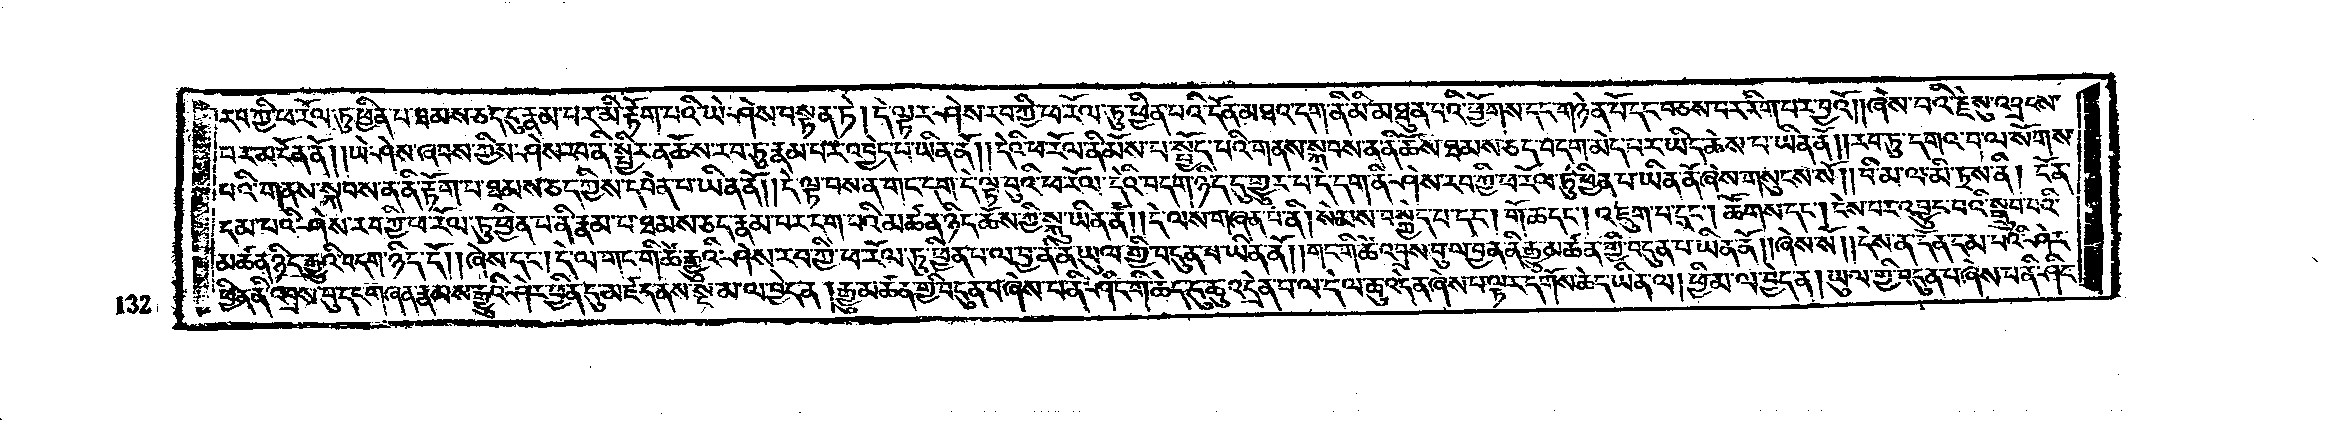རབ་ཀྱི་ཕ་རོལ་ཏུ་ཕྱིན་པ་ཐམས་ཅད་དུ་རྣམ་པར་མི་རྟོག་པའི་ཡེ་ཤེས་བསྟན་ཏེ། དེ་ལྟར་ཤེས་རབ་ཀྱི་ཕ་རོལ་ཏུ་ཕྱིན་པའི་དོན་མཐའ་དག་ནི་མི་མཐུན་པའི་ཕྱོགས་དང་གཉེན་པོ་དང་བཅས་པར་རིག་པར་བྱའོ། །ཞེས་པའི་རྗེས་སུ་འབྲངས་
བར་མངོན་ནོ། །ཡེ་ཤེས་ཞབས་ཀྱིས་ཤེས་རབ་ནི་སྤྱིར་ན་ཆོས་རབ་ཏུ་རྣམ་པར་འབྱེད་པ་ཡིན་ནོ། །དེའི་ཕ་རོལ་ནི་མོས་པ་སྤྱོད་པའི་གནས་སྐབས་ན་ནི་ཆོས་ཐམས་ཅད་བདག་མེད་པར་ཡིད་ཆེས་པ་ཡིན་ནོ། །རབ་ཏུ་དགའ་བ་ལ་སོགས་
པའི་གནས་སྐབས་ན་ནི་རྟོག་པ་ཐམས་ཅད་ཀྱིས་དབེན་པ་ཡིན་ནོ། །དེ་ལྟ་བས་ན་གང་དག་དེ་ལྟ་བུའི་ཕ་རོལ་དེའི་བདག་ཉིད་དུ་གྱུར་པ་དེ་དག་ནི་ཤེས་རབ་ཀྱི་ཕ་རོལ་ཏུ་ཕྱིན་པ་ཡིན་ནོ་ཞེས་གསུངས་སོ། །བི་མ་ལ་མེ་ཏྲས་ནི། དོན་
དམ་པའི་ཤེས་རབ་ཀྱི་ཕ་རོལ་ཏུ་ཕྱིན་པ་ནི་རྣམ་པ་ཐམས་ཅད་རྣམ་པར་དག་པའི་མཚན་ཉིད་ཆོས་ཀྱི་སྐུ་ཡིན་ནོ། །དེ་ལས་གཞན་པ་ནི། སེམས་བསྐྱེད་པ་དང་། གོ་ཆ་དང་། འཇུག་པ་དང་། ཚོགས་དང་། ངེས་པར་འབྱུང་བའི་སྒྲུབ་པའི་
མཚན་ཉིད་རྒྱུའི་བདག་ཉིད་དོ། །ཞེས་དང་། དེ་ལ་གང་གི་ཚེ་རྒྱུའི་ཤེས་རབ་ཀྱི་ཕ་རོལ་ཏུ་ཕྱིན་པ་ལ་བྱ་ན་ནི་ཡུལ་གྱི་བདུན་པ་ཡིན་ནོ། །གང་གི་ཚེ་འབྲས་བུ་ལ་བྱ་ན་ནི་རྒྱུ་མཚན་གྱི་བདུན་པ་ཡིན་ནོ། །ཞེས་སོ། །དེས་ན་དོན་དམ་པའི་ཤེར་
ཕྱིན་ནི་འབྲས་བུ་དང་གཞན་རྣམས་རྒྱུའི་ཤེར་ཕྱིན་དུ་མཛད་ནས་སྔ་མ་ལ་བྱད་ན། རྒྱུ་མཚན་གྱི་བདུན་པ་ཞེས་པ་ནི་ཤིང་གི་ཆེད་དུ་ཆུ་འདྲེན་པ་ལ་དེ་ལ་ཆུ་འདྲེན་ཞེས་པ་ལྟར་དགོས་ཆེད་ཡིན་ལ། ཕྱི་མ་ལ་བྱེད་ན། ཡུལ་གྱི་བདུན་པ་ཞེས་པ་ནི་ཤིང་